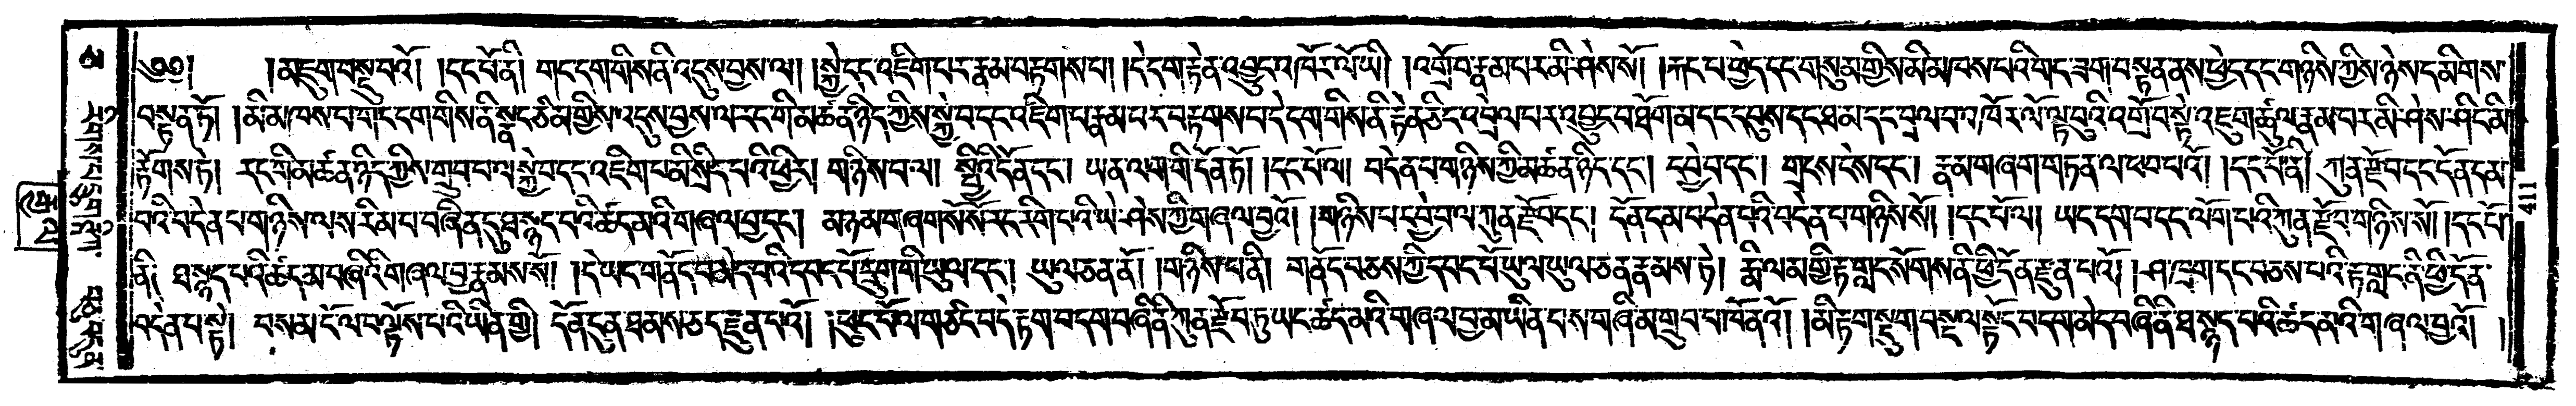༄༅། །མཇུག་བསྡུ་བའོ། །དང་པོ་ནི། གང་དག་གིས་ནི་འདུས་བྱས་ལ། །སྐྱེ་དང་འཇིག་པར་རྣམ་བརྟགས་པ། །དེ་དག་རྟེན་འབྱུང་འཁོར་ལོ་ཡི། །འགྲོ་བ་རྣམ་པར་མི་ཤེས་སོ། །རྐང་པ་ཕྱེད་དང་གསུམ་གྱིས་མི་མཁས་པའི་གང་ཟག་བསྟན་ནས་ཕྱེད་དང་གཉིས་ཀྱིས་ཉེས་དམིགས་
བསྟན་ཏོ། །མི་མཁས་པ་གང་དག་གིས་ནི་སྣང་ཙམ་གྱིས་འདུས་བྱས་ལ་རང་གི་མཚན་ཉིད་ཀྱིས་སྐྱེ་བ་དང་འཇིག་པ་རྣམ་པར་བརྟགས་པ་དེ་དག་གིས་ནི་རྟེན་ཅིང་འབྲེལ་པར་འབྱུང་བ་ཐོག་མ་དང་དབུས་དང་ཐ་མ་དང་བྲལ་བ་འཁོར་ལོ་ལྟ་བུའི་འགྲོ་བ་སྟེ་འཇུག་ཚུལ་རྣམ་པར་མི་ཤེས་ཤིང་མི་
རྟོགས་ཏེ། རང་གི་མཚན་ཉིད་ཀྱིས་གྲུབ་པ་ལ་སྐྱེ་བ་དང་འཇིག་པ་མི་སྲིད་པའི་ཕྱིར། གཉིས་པ་ལ། སྤྱིའི་དོན་དང་། ཡན་ལག་གི་དོན་ཏོ། །དང་པོ་ལ། བདེན་པ་གཉིས་ཀྱི་མཚན་ཉིད་དང་། དབྱེ་བ་དང་། གྲངས་ངེས་དང་། རྣམ་གཞག་གཏན་ལ་ཕབ་པའོ། །དང་པོ་ནི། ཀུན་རྫོབ་དང་དོན་དམ་
པའི་བདེན་པ་གཉིས་ལས་རིམ་པ་བཞིན་དུ་ཐ་སྙད་པའི་ཚད་མའི་གཞལ་བྱ་དང་། མཉམ་གཞག་སོ་སོ་རང་རིག་པའི་ཡེ་ཤེས་ཀྱི་གཞལ་བྱའོ། །གཉིས་པ་དབྱེ་བ་ལ་ཀུན་རྫོབ་དང་། དོན་དམ་བདེན་པའི་བདེན་པ་གཉིས་སོ། །དང་པོ་ལ། ཡང་དག་པ་དང་ལོག་པའི་ཀུན་རྫོབ་གཉིས་སོ། །དང་པོ་
ནི། ཐ་སྙད་པའི་ཚད་མ་བཞིའི་གཞལ་བྱ་རྣམས་སོ། །དེ་ཡང་གནོད་པ་མེད་པའི་དབང་པོ་དྲུག་གི་ཡུལ་དང་། ཡུལ་ཅན་ནོ། །གཉིས་པ་ནི། གནོད་བཅས་ཀྱི་དབང་པོ་ཡུལ་ཡུལ་ཅན་རྣམས་ཏེ། རྨི་ལམ་གྱི་རྟ་གླང་སོགས་ནི་ཕྱི་དོན་རྫུན་པའོ། །ཤ་ཁྲག་དང་བཅས་པའི་རྟ་གླང་ནི་ཕྱི་དོན་
བདེན་པ་སྟེ། བསམ་ངོ་ལ་བལྟོས་པའི་ཡིན་གྱི། དོན་དུན་ཐམས་ཅད་རྫུན་པའོ། །ཕུང་པོ་ལ་གཙང་བདེ་རྟག་བདག་བཞི་ནི་ཀུན་རྫོབ་ཏུ་ཡང་ཚད་མའི་གཞལ་བྱ་མ་ཡིན་པས་གཞི་མ་གྲུབ་པ་ཁོ་ནའོ། །མི་རྟག་སྡུག་བསྔལ་སྟོང་བདག་མེད་བཞི་ནི་ཐ་སྙད་པའི་ཚད་མའི་གཞལ་བྱའོ། །